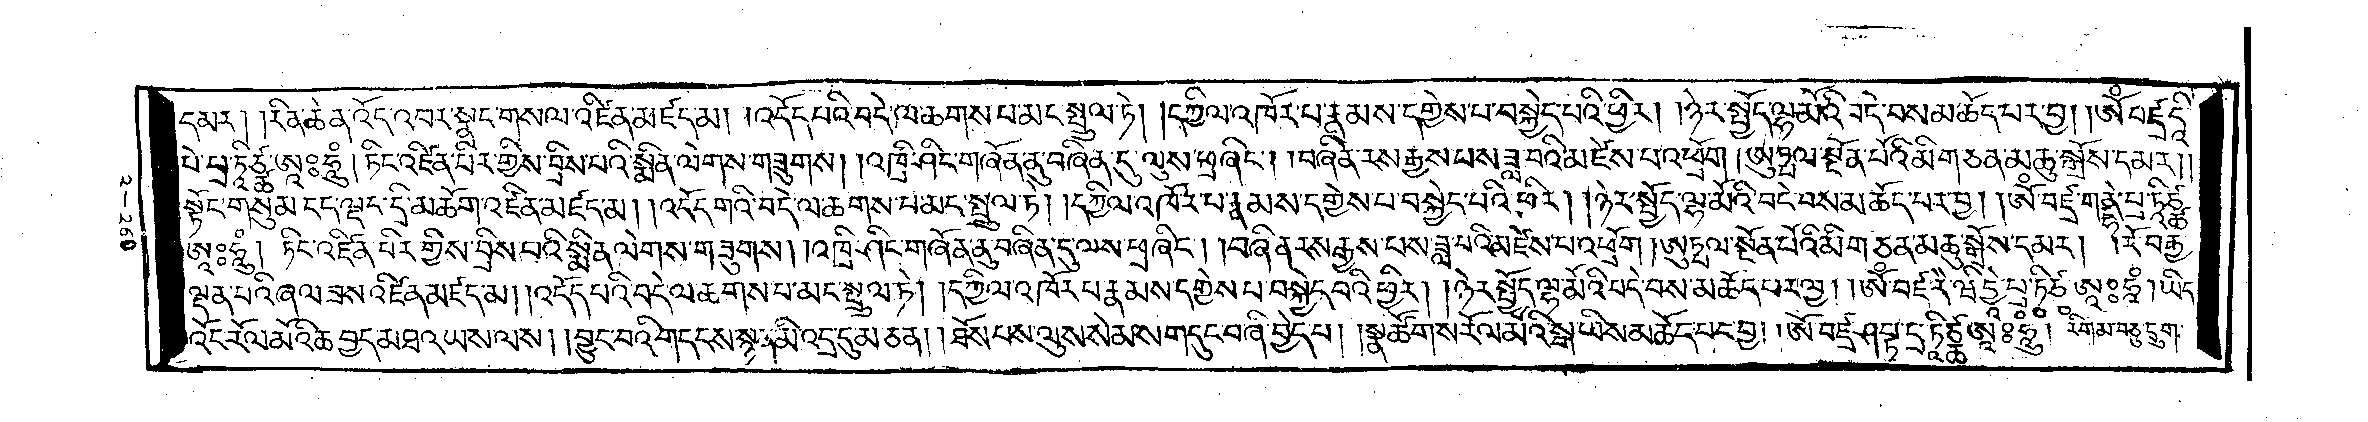དམར། །རིན་ཆེན་འོད་འབར་སྣང་གསལ་འཛིན་མཛད་མ། །འདོད་བའི་བདེ་ལ་ཆགས་པ་མང་སྤྲུལ་ཏེ། །དཀྱིལ་འཁོར་པ་རྣམས་དགྱེས་པ་བསྐྱེད་པའི་ཕྱིར། །ཉེར་སྤྱོད་ལྷ་མོའི་བདེ་བས་མཆོད་པར་བྱ། །ཨོཾ་བཛྲ་དཱི་
པེ་པྲ་ཏཱིཙྪ་ཨའཿ ཧཱུཾ། ཏིང་འཛིན་པིར་གྱིས་བྲིས་བའི་སྨིན་ལེགས་གཟུགས། །འཁྲི་ཤིང་གཞོན་ནུ་བཞིན་དུ་ལུས་ཕྲ་ཞིང་། །བཞིན་རས་རྒྱས་པས་ཟླ་བའི་མཛེས་པ་འཕྲོག །ཨུཏྤལ་སྔོན་པོའི་མིག་ཅན་མཆུ་སྒྲོས་དམར། །
སྟོང་གསུམ་དད་ལྡང་དྲི་མཆོག་འཛིན་མཛད་མ། །འདོད་གའི་བདེ་ལ་ཆགས་པ་མང་སྤྲུལ་ཏེ། །དཀྱིལ་འཁོར་པ་རྣམས་དགྱེས་པ་བསྐྱེད་བའི་ཕྱིར། །ཉེར་སྤྱོད་ལྷ་མོའི་བདེ་བས་མཆོད་པར་བྱ། །ཨོཾ་བཛྲ་གནྡྷེ་པྲ་ཏཱིཙྪ་
ཨཱཿ ཧཱུཾ། ཏིང་འཛིན་པིར་གྱིས་བྲིས་བའི་སྨིན་ལེགས་གཟུགས། །འཁྲི་ཤིང་གཞོན་ནུ་བཞིན་དུ་ལས་ཕྲ་ཞིང་། །བཞིན་རས་རྒྱས་པས་ཟླ་བའི་མཛེས་པ་འཕྲོག །ཨུཏྤལ་སྔོན་པོའི་མིག་ཅན་མཆུ་སྒྲོས་དམར། །རོ་བརྒྱ་
ལྡན་པའི་ཞལ་ཟས་འཛིན་མཛད་མ། །འདོད་པའི་བདེ་ལ་ཆགས་པ་མང་སྤྲུལ་ཏེ། །དཀྱིལ་འཁོར་པ་རྣམས་དགྱེས་པ་བསྐྱེད་བའི་ཕྱིར། །ཉེར་སྤྱོད་ལྷ་མོའི་བདེ་བས་མཆོད་པར་ལྱ། །ཨོཾ་བཛྲ་རཻ་ཝི་དཡE་པྲ་ཏི་ཙ་ཨཱཿ ཧཱཾ། ཡིད་
འོང་རོལ་མོའི་ཆ་བྱད་མཐའ་ཡས་ལས། །བྱུང་བའི་གདངས་སྙན་མི་འདྲ་དུ་མ་ཅན། །ཐོས་པས་ལུས་སེམས་གདུང་བཞི་བྱེད་པ། །སྣ་ཚོགས་རོལ་མོའི་སྒ་ཡིས་མཆོད་པར་བྱ། །ཨོཾ་བཛྲ་ཤཔྟ་དྲ་ཏཱིཙྪ་ཨཱཿ ཧཱུཾ། རིག་མ་བཅུ་དྲུག་